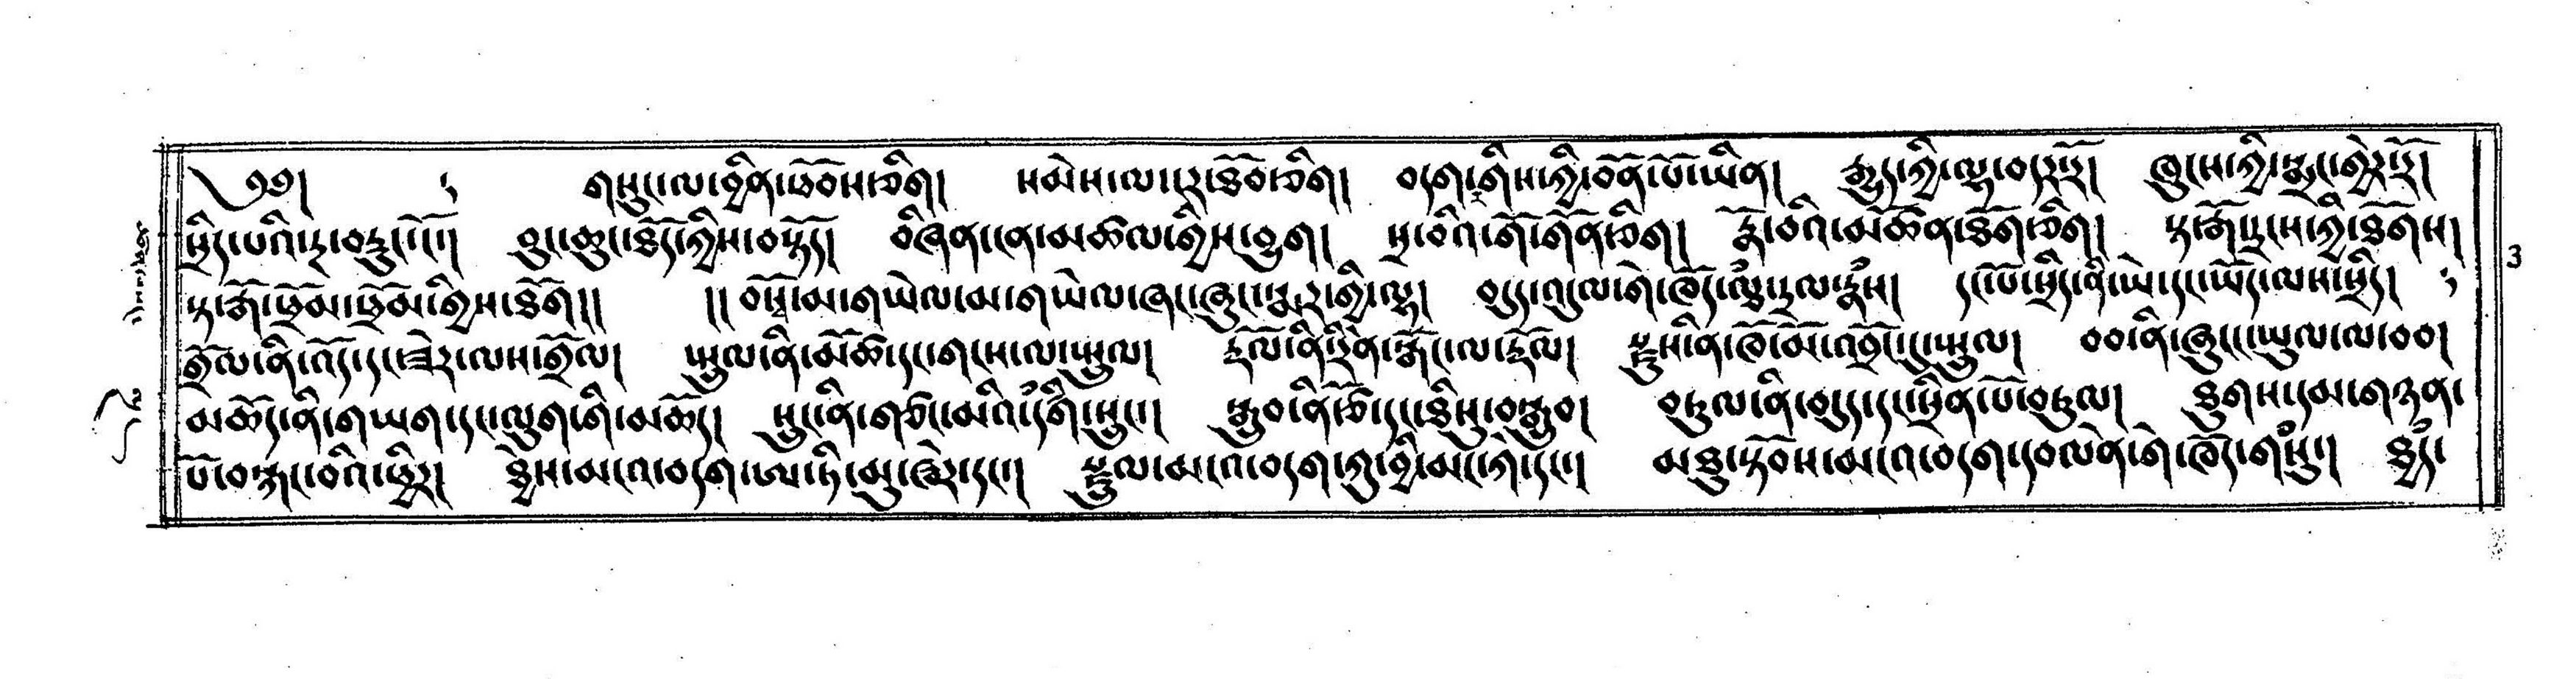གསུང་ལ་བྱིན་ཕོབས་ཅིག སེམས་ལ་ངར་ཐོབ་ཅིག བདག་རིགས་ཀྱི་བོན་པོ་ཡིན། རྒྱུད་ཀྱི་ལྷ་བདར་རོ། ཁུངས་ཀྱི་སྨྲང་གྱེར་རོ། 
སྲིད་པའི་རྔ་བརྡུང་ངོ་། བུང་ཆུང་ཐོད་ཀྱིས་བསྟོད། བཞིན་ངན་མཚལ་གྱིས་བྱུག །སྲ་བའི་གོ་གོན་ཅིག རྣོ་བའི་མཚོན་ཐོག་ཅིག སྟ་རྒོ་དྲངས་ཀྱི་ཐོགས། 
སྟ་རྒོ་ཕྲོམ་ཕྲོམ་གྱིས་ཐོག།། །། བསྭོ་མ་གཡེལ་མ་གཡེལ་ཞང་ཞུང་སྨར་གྱི་ལྷ། བདུད་འདུལ་གེ་ཁོད་ལྕམ་དྲལ་རྣམས། དང་པོ་སྲིད་ནི་ཡེ་དང་ཡོད་ལས་སྲིད། 
གྲོལ་ནི་འོད་དང་ཟེར་ལས་གྲོལ། སྤྲུལ་ནི་མཚོ་དང་གངས་ལ་སྤྲུལ། རྡོལ་ནི་རིན་ཆེན་སྒོང་ལ་བརྡོལ། རྫུས་ནི་ཁོ་མོ་འབྲོང་དུ་སྤྲུལ། བབ་ནི་ཞང་ཞུང་ཡུལ་ལ་བབས། 
མཆོད་ནི་གཡག་དང་ལུག་གིས་མཆོད། སྲུང་ནི་གཙང་མའི་དམ་ཚིག་སྲུང་། སྒྲུབ་ནི་ཙོ་དང་ཐིས་སུ་བསྒྲུབ། བཏུལ་ནི་བདུད་དང་སྲིན་པོ་བཏུལ། ཐུགས་དམ་གཉན་
པོ་བསྐང་བའི་ཕྱིར། ཐུགས་རྗེས་མངའ་བདག་ཨ་ཏི་མུ་ཝེར་དང་། རྫུ་འཕྲུལ་མངའ་བདག་ཀུ་བྱི་མང་ཀེ་དང་། མཐུ་སྟོབས་མངའ་བདག་དབལ་ཆེན་གེ་ཁོད་གསུམ། ཐུགས་དམ་